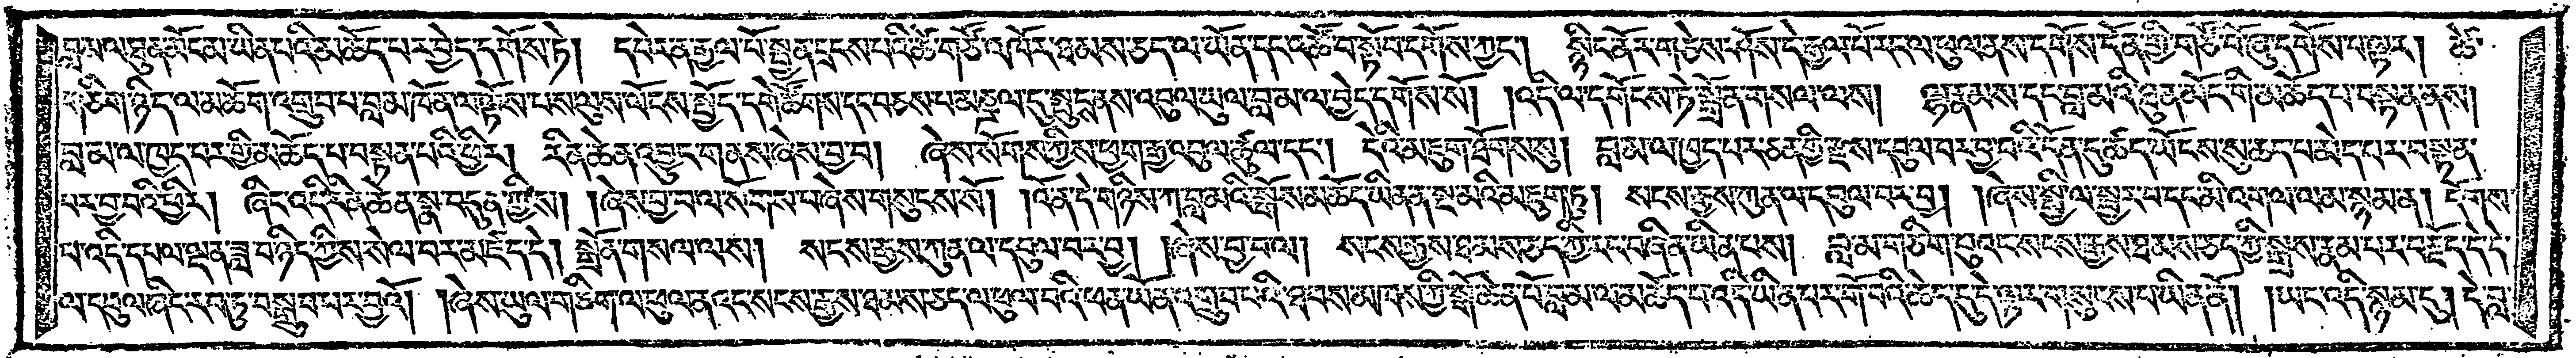བླ་མ་ལ་ཐུན་མོང་མ་ཡིན་པའི་མཆོད་པར་བྱེད་དགོས་ཏེ། དཔེར་ན་རྒྱལ་པོ་སྤྱན་དྲངས་པའི་ཚེ་གཙོ་འཁོར་ཐམས་ཅད་ལ་ཡོན་དང་འཚོ་བ་སྟོབ་དགོས་ཀྱང་། སྙིང་ནོར་གཅེས་ཤོས་དེ་རྒྱལ་པོ་རབ་ལ་ཕུལ་ནས་དགོས་དོན་གྱི་གཙོ་བོ་ཞུ་དགོས་པ་ལྟར། ཚེ་
གཅིག་ཉིད་ལ་མཆོག་འགྲུབ་པ་བླ་མ་ཁོ་ན་ལ་ལྟོས་པས་ལུས་ལོངས་སྤྱོད་དགེ་ཚོགས་དང་བཅས་པ་མཎྜལ་དུ་སྤུང་ནས་འབུལ་ཡུལ་བླ་མ་ལ་བྱེད་དགོས་སོ། །འདི་ལ་དགོངས་ཏེ་སྒྲོན་གསལ་ལས། ལྷ་རྣམས་དང་བླ་མའི་ཐུན་མོང་གི་མཆོད་པ་བསྟན་ནས།
བླ་མ་ལ་ཁྱད་པར་གྱི་མཆོད་པ་བསྟན་བའི་ཕྱིར། རིན་ཆེན་འབྱུང་གནས་ཞེས་བྱ་བ། ཞེས་སོགས་ཀྱིས་ཕྱག་རྒྱ་འབུལ་ཚུལ་དང་། དེའི་མཇུག་ཐོགས་སུ། བླ་མ་ལ་ཁྱད་པར་ཅན་གྱི་རྫས་དབུལ་བར་བྱ་བའི་དོན་དུ་ཚད་ཡོངས་སུ་ཆད་པ་མེད་པར་བསྟན་
པར་བྱ་བའི་ཕྱིར། ཞིང་འདི་རིན་ཆེན་སྣ་བདུན་གྱིས། །ཞེས་བྱ་བ་ལ་སོགས་པ་ཞེས་གསུངས་སོ། །འོན་དེ་གཉིས་ཀ་བླ་མའི་སྒོས་མཆོད་ཡིན་ན་སྔ་མའི་མཇུག་ཏུ། སངས་རྒྱས་ཀུན་ལ་དབུལ་བར་བྱ། །ཞེས་སྤྱི་ལ་སྦྱར་བ་དང་མི་འགལ་ལམ་སྙམ་ན། དོགས་
པ་འདི་དཔལ་ལྡན་ཟླ་བ་ཉིད་ཀྱིས་སེལ་བར་མཛད་དེ། སྒྲོན་གསལ་ལས། སངས་རྒྱས་ཀུན་ལ་དབུལ་བར་བྱ། །ཞེས་བྱ་བ་ལ། སངས་རྒྱས་ཐམས་ཅད་ཀྱི་རང་བཞིན་ཡིན་པས། བླ་མ་གཅིག་བུཨའང་སངས་རྒྱས་ཐམས་ཅད་ཀྱི་སྒྲས་རྣམ་པར་བརྗོད་དེ་དེ་
ལ་དབུལ་ཞིགན་རབ་ཏུ་བསྒྲུབ་པར་བྱའོ། །ཞེས་ཡུལ་གཅིག་ལ་ཕུལ་ནའང་སངས་རྒྱས་ཐམས་ཅད་ལ་ཕུལ་བའི་ཕན་ཡོན་འགྲུབ་པའི་ཐབས་མཁས་ཀྱི་སྒོ་ཆེན་པོ་བླ་མ་ལ་མཆོད་པ་འདི་ཡིན་པར་གོ་བའི་ཆེད་དུ་དེ་ལྟར་གསུངས་པ་ཡིན་ནོ། །ཡང་འདི་སྙམ་དུ། དེ་བླ་